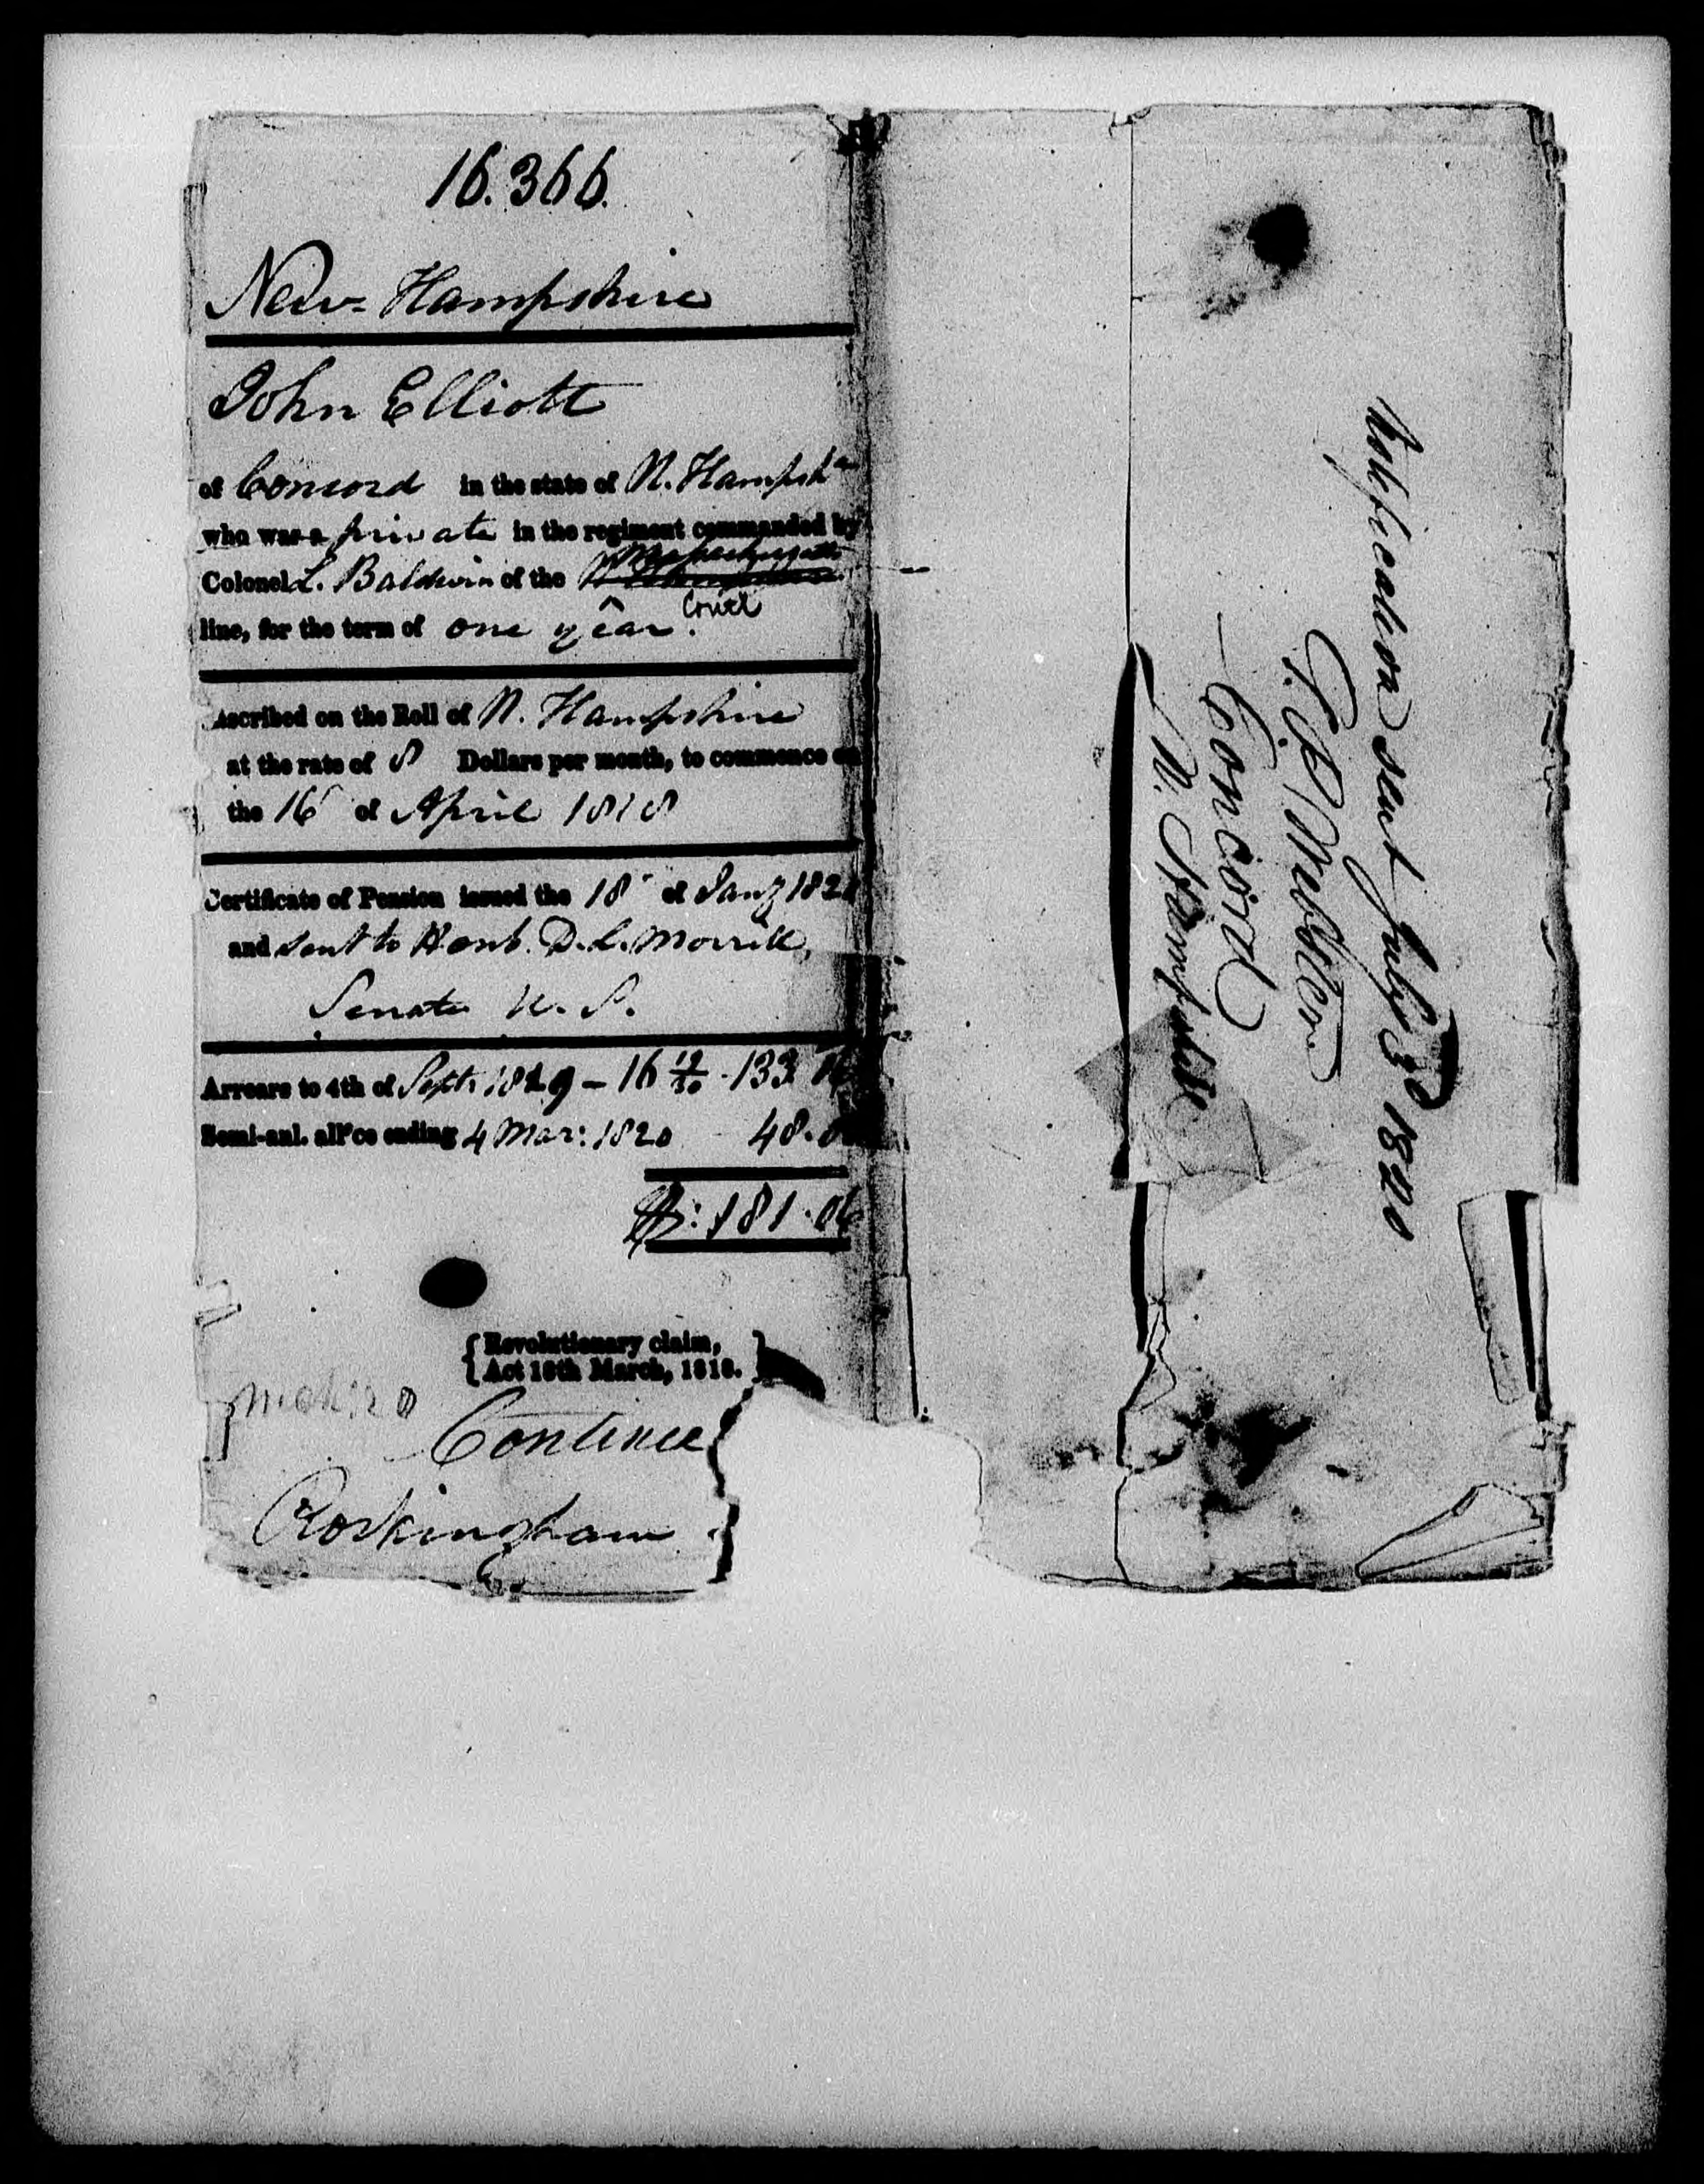16.366.
New Hampshire
John Elliott
of Concord in the state of N. Hampsh
who was a private in the regiment commanded
Colonel L. Baldwin of the Massachusetts
line, for the term of one year.
scribed on the Roll of N. Hampshire
at the rate of 8 Dollars per month, to commence
the 16th of April 1818
Certificate of Pension and the 18 of Jany 1820
and sent to Honb. D Morrill
Senate U.S.
Arrears to 4th of Sept 1849-16 19/30 to 133
Semi-anl. all'ce ending 4 Mar. 1820
48.
$.18106
{Revolutionary claim Act 18th March 1818}
.
-
Continued
[illegible]
Rockingham
[illegible]
Concord
N Hampshire
testification sent July 3
purte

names: G P Webster, D L Morrill, L Baldwin, John Elliott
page: 2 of 57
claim: widow's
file: W. 16,114, John Elliot, Continental (Mass) N.H.